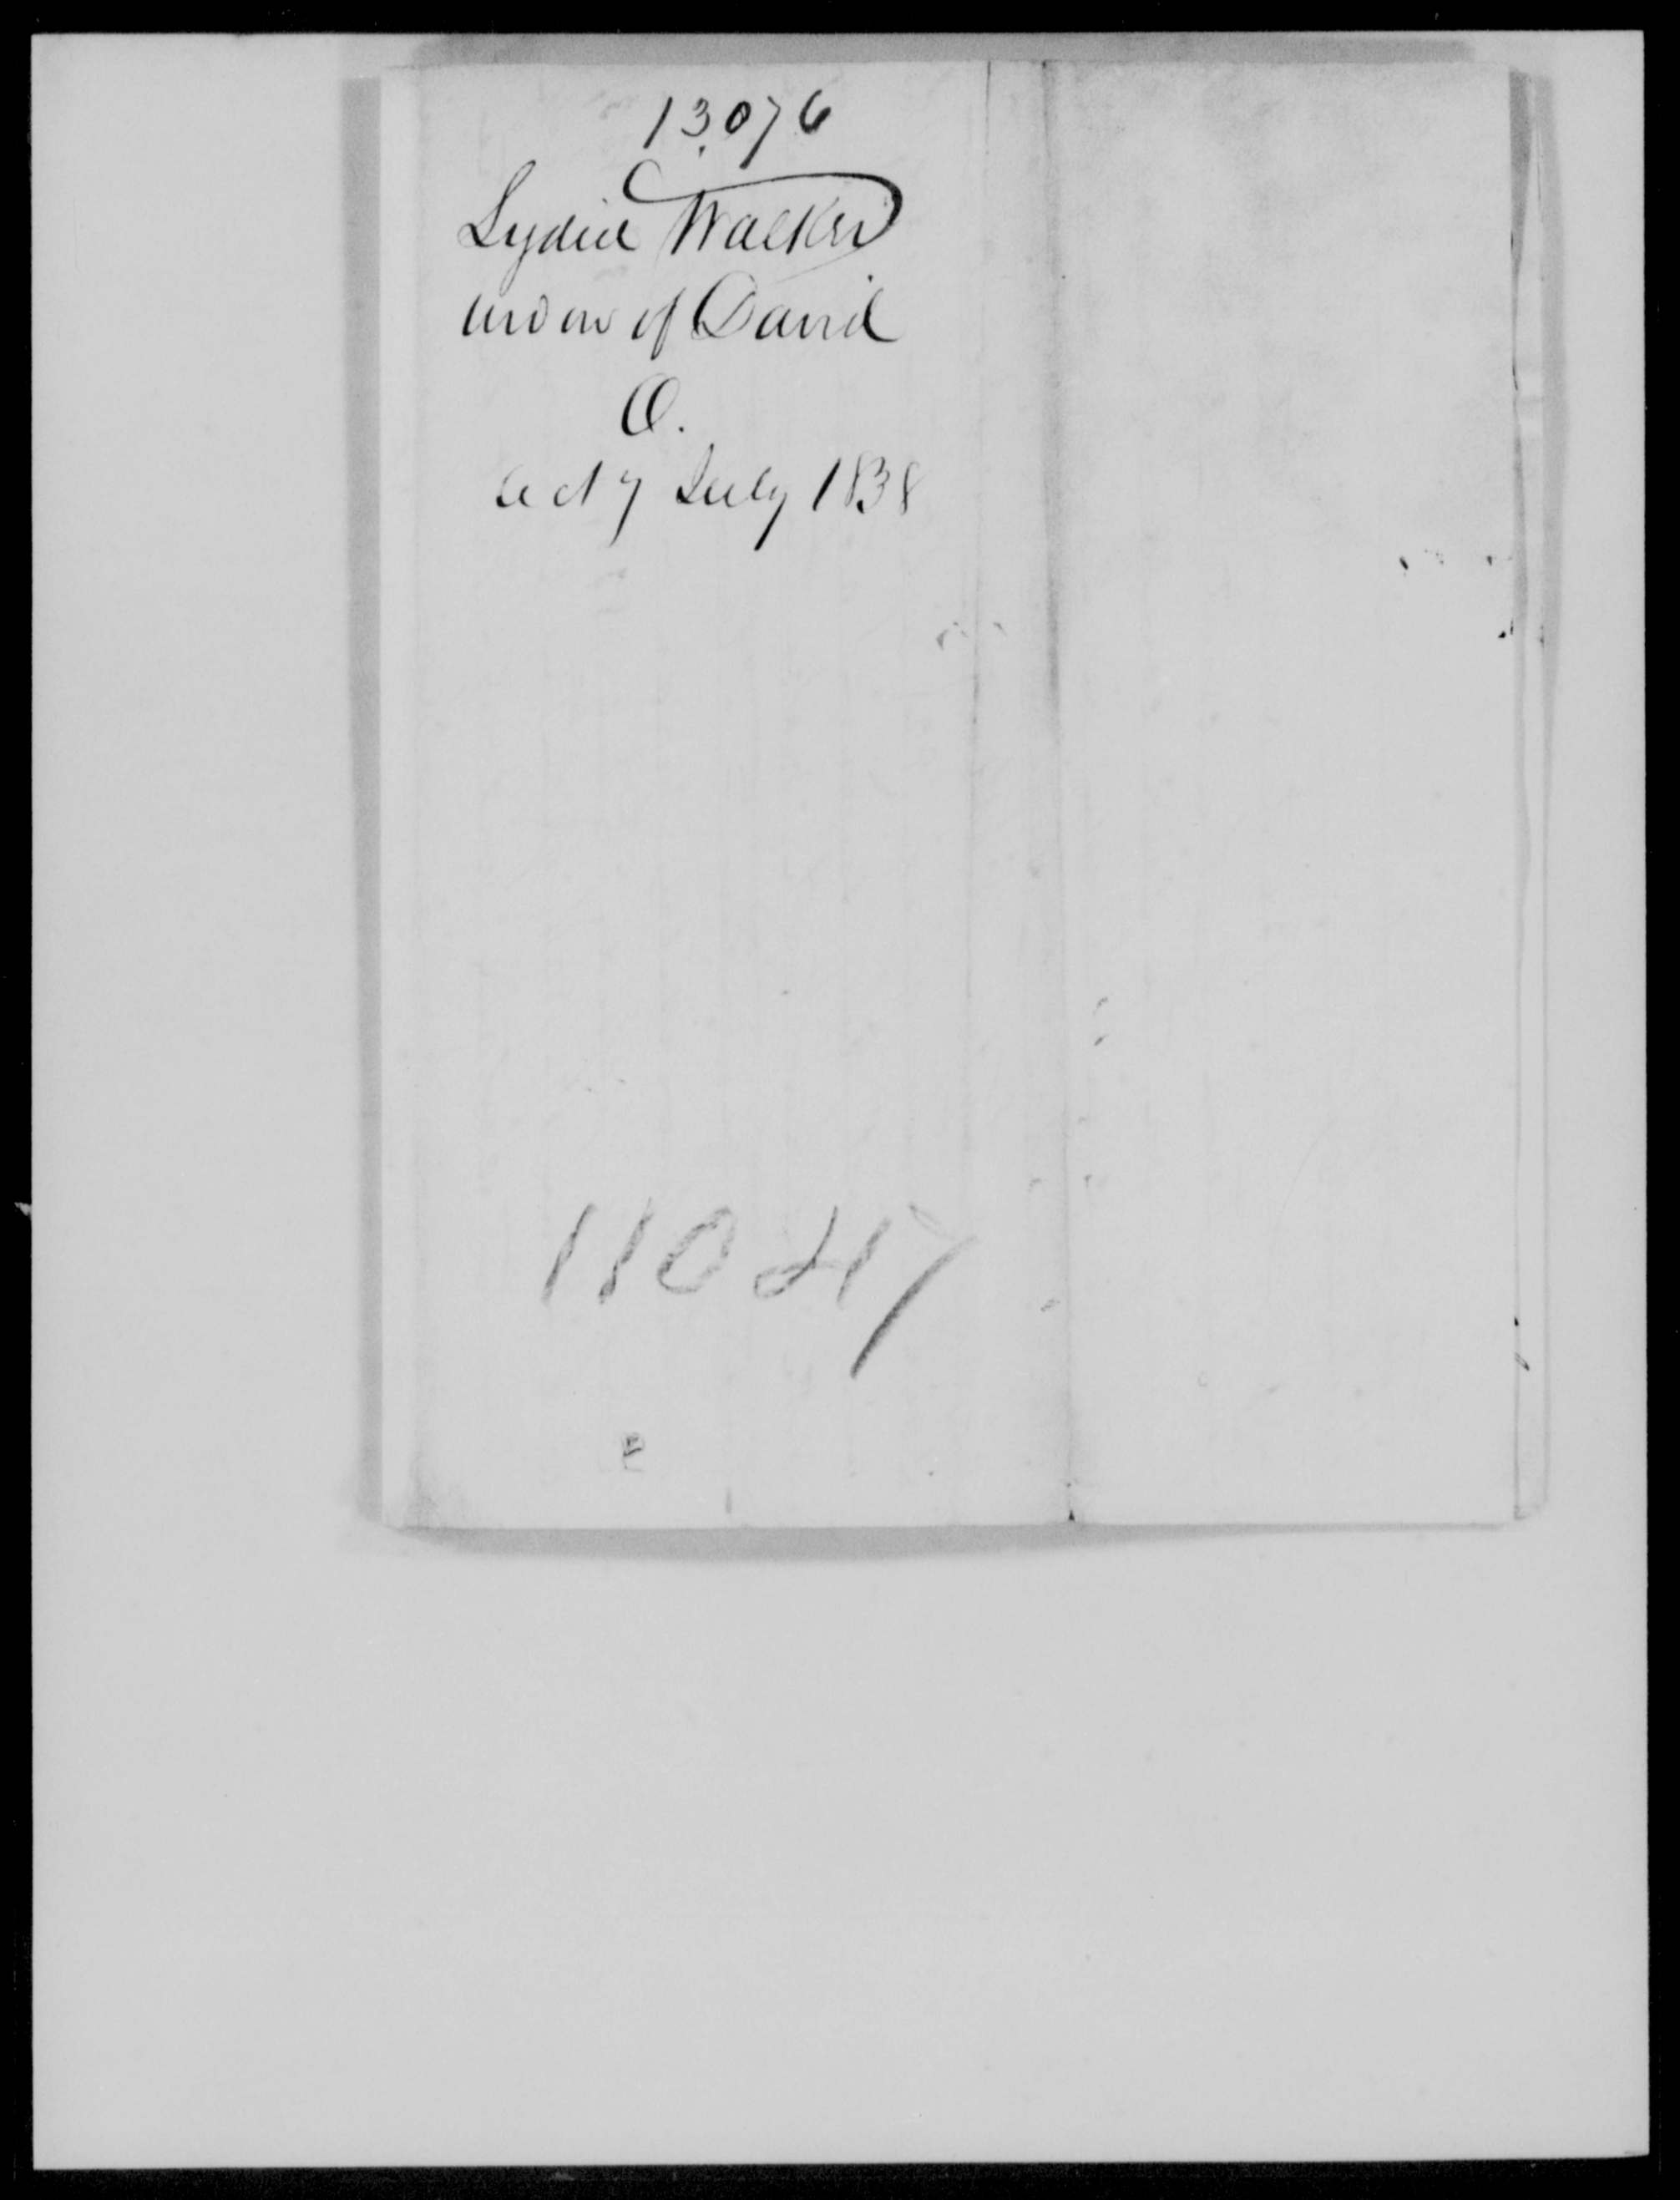13076
Lydia Walker
Widow of David
Act 7 July 1838
110217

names: Lydia Walker, David Walker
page: 4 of 37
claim: rejected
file: R. 11047, David Walker, N.C.